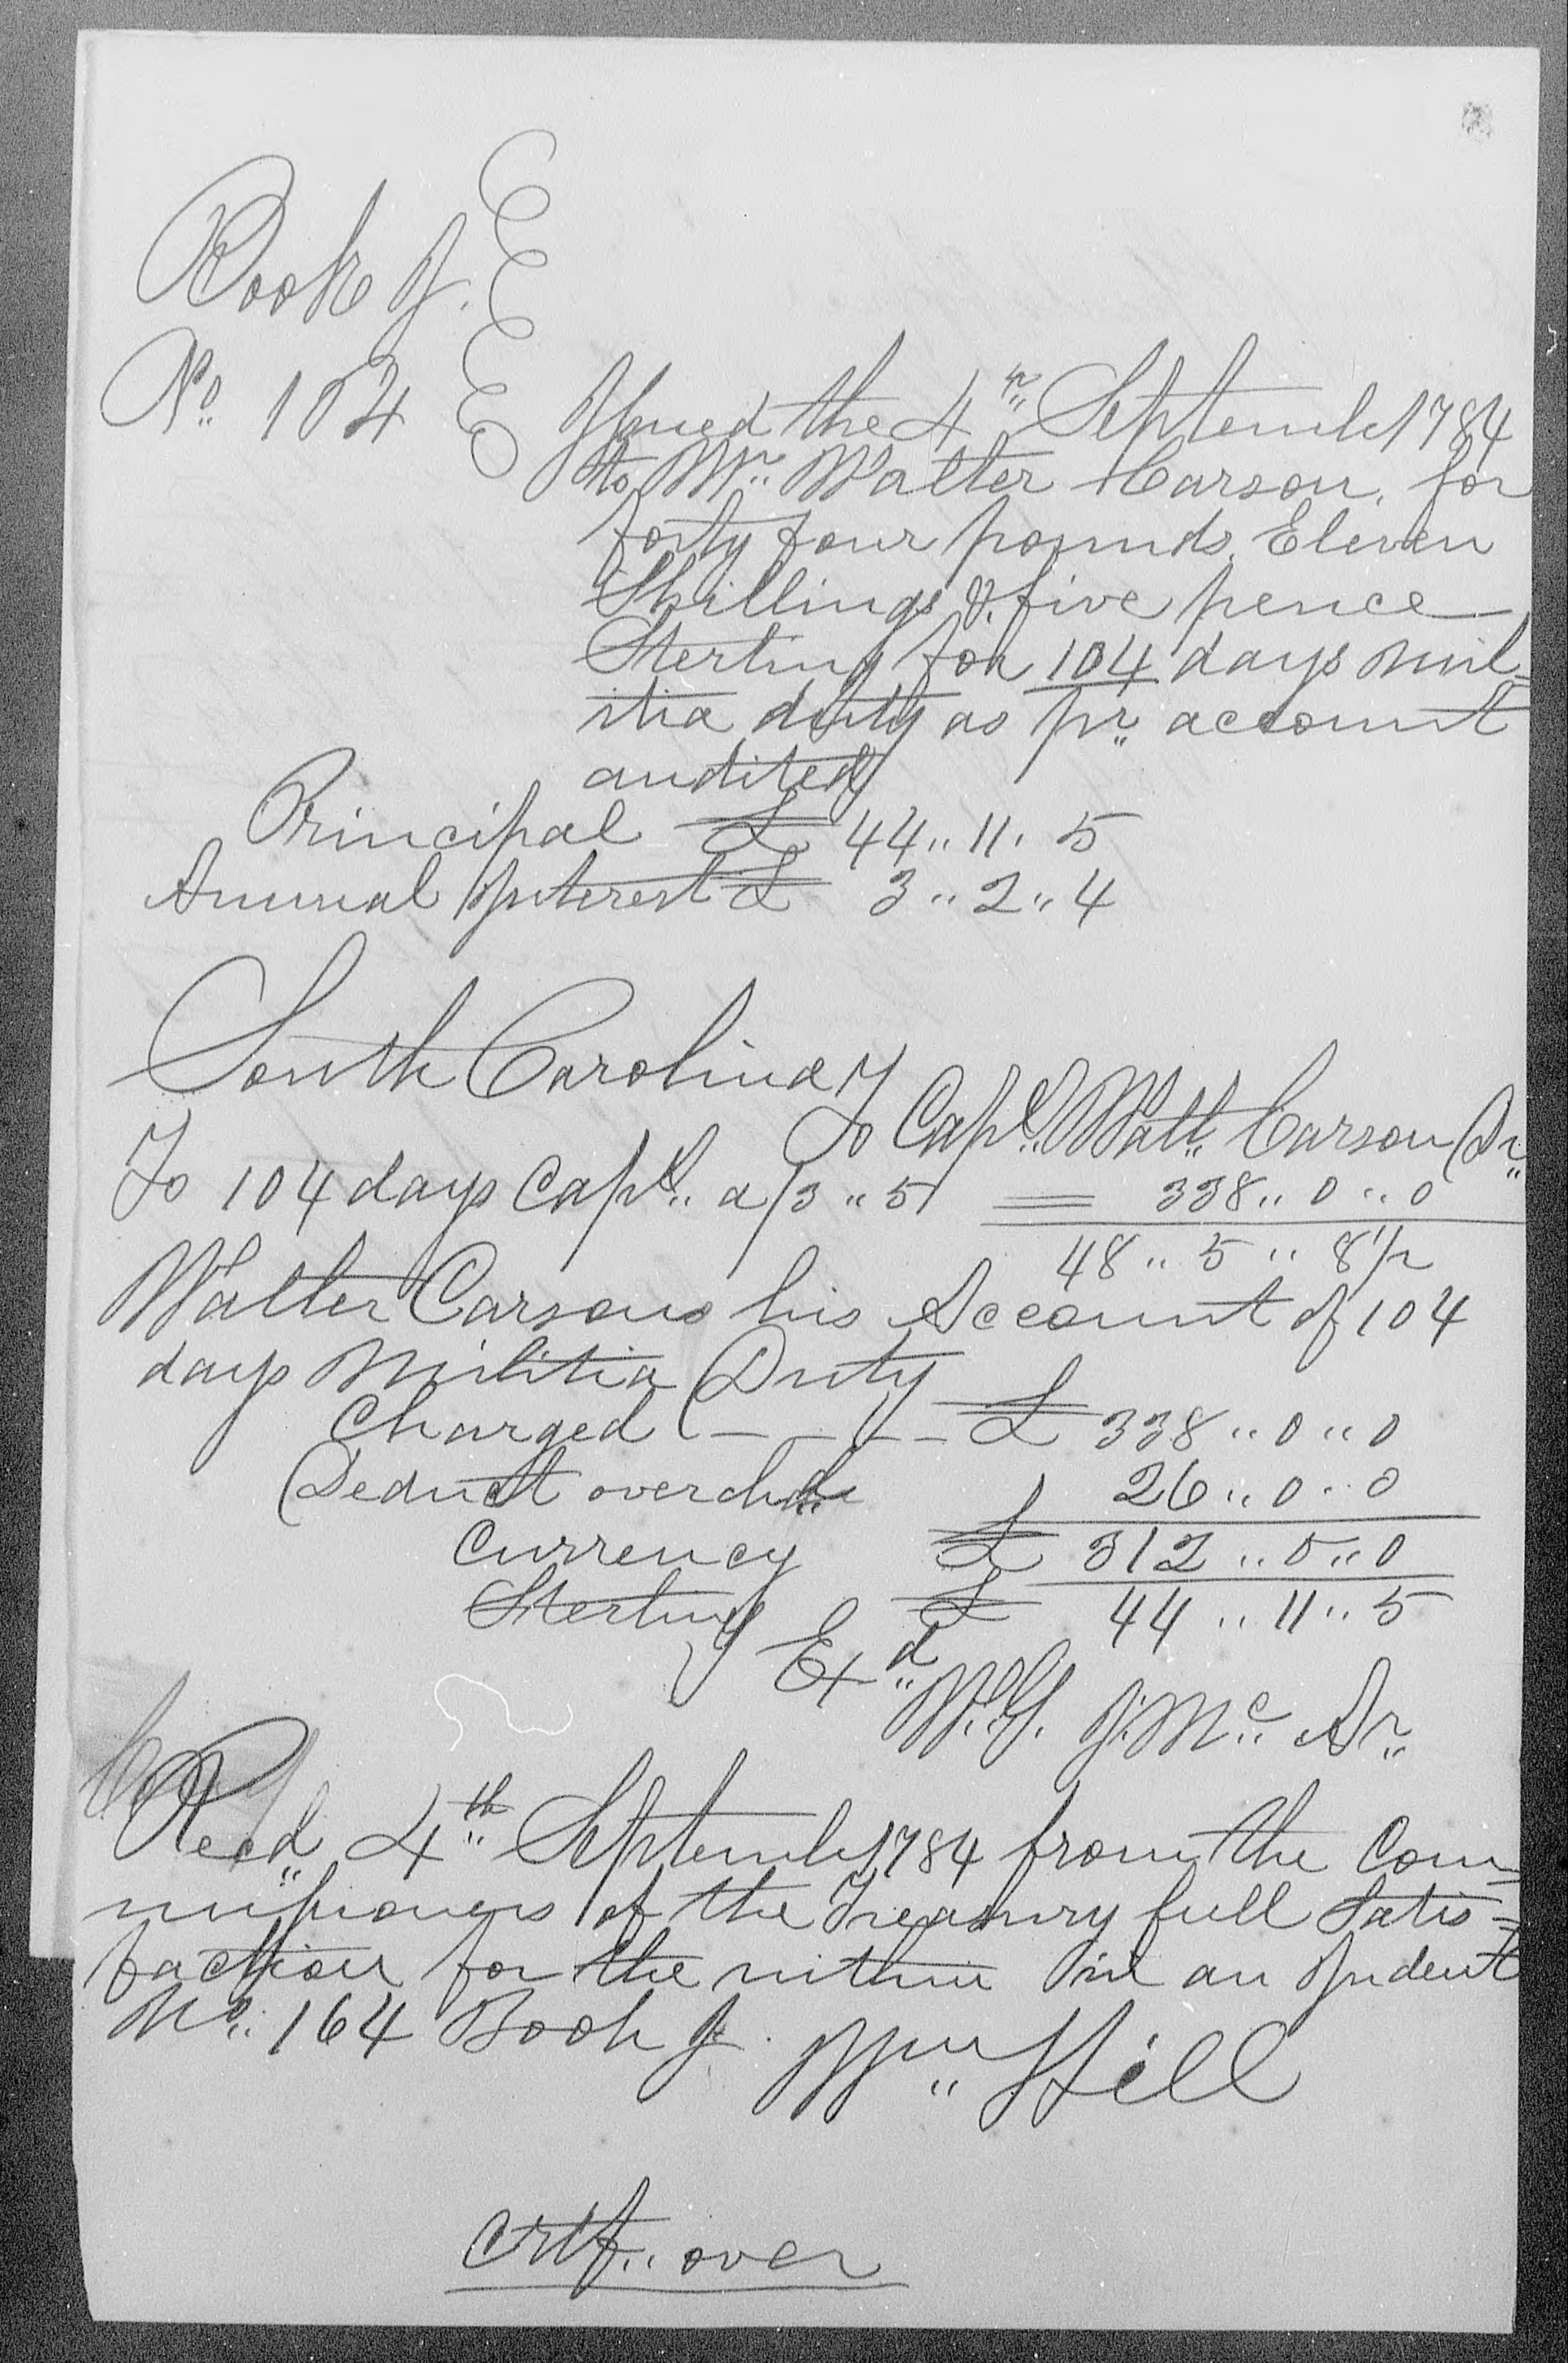Book J.
No. 164
Issued the 4th September 1784 to Mr Walter Carson, for forty four pounds Eleven shillings & five pence Sterling for 104 days militia duty as pr account
audited
Principal L44"11"5
Annual Interest L 3"2"4
South Carolina
To Capt. Walt. Carson Jr.
To 104 days Capt S"a/3"5 = 338"0"0
45"5"8 1/2
Walter Carson his account of 104 days militia duty
charge L338"0"0
deduct overchrg. 26"0"0
Currency L 312"0"0
Sterling L 44"11"5
Exd. M.G. J.M.C Sr.
Recd 4th September 1784 from the commissioners of the Treasury full satisfaction for the within in an Indent No, 164 Book J.
Wm. Hill
cert. over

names: Walter Carson, Wm Hill, Watt Carson, Walter Carson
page: 27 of 34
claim: rejected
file: R. 1,738, Walter Carson, N.C. S.C.